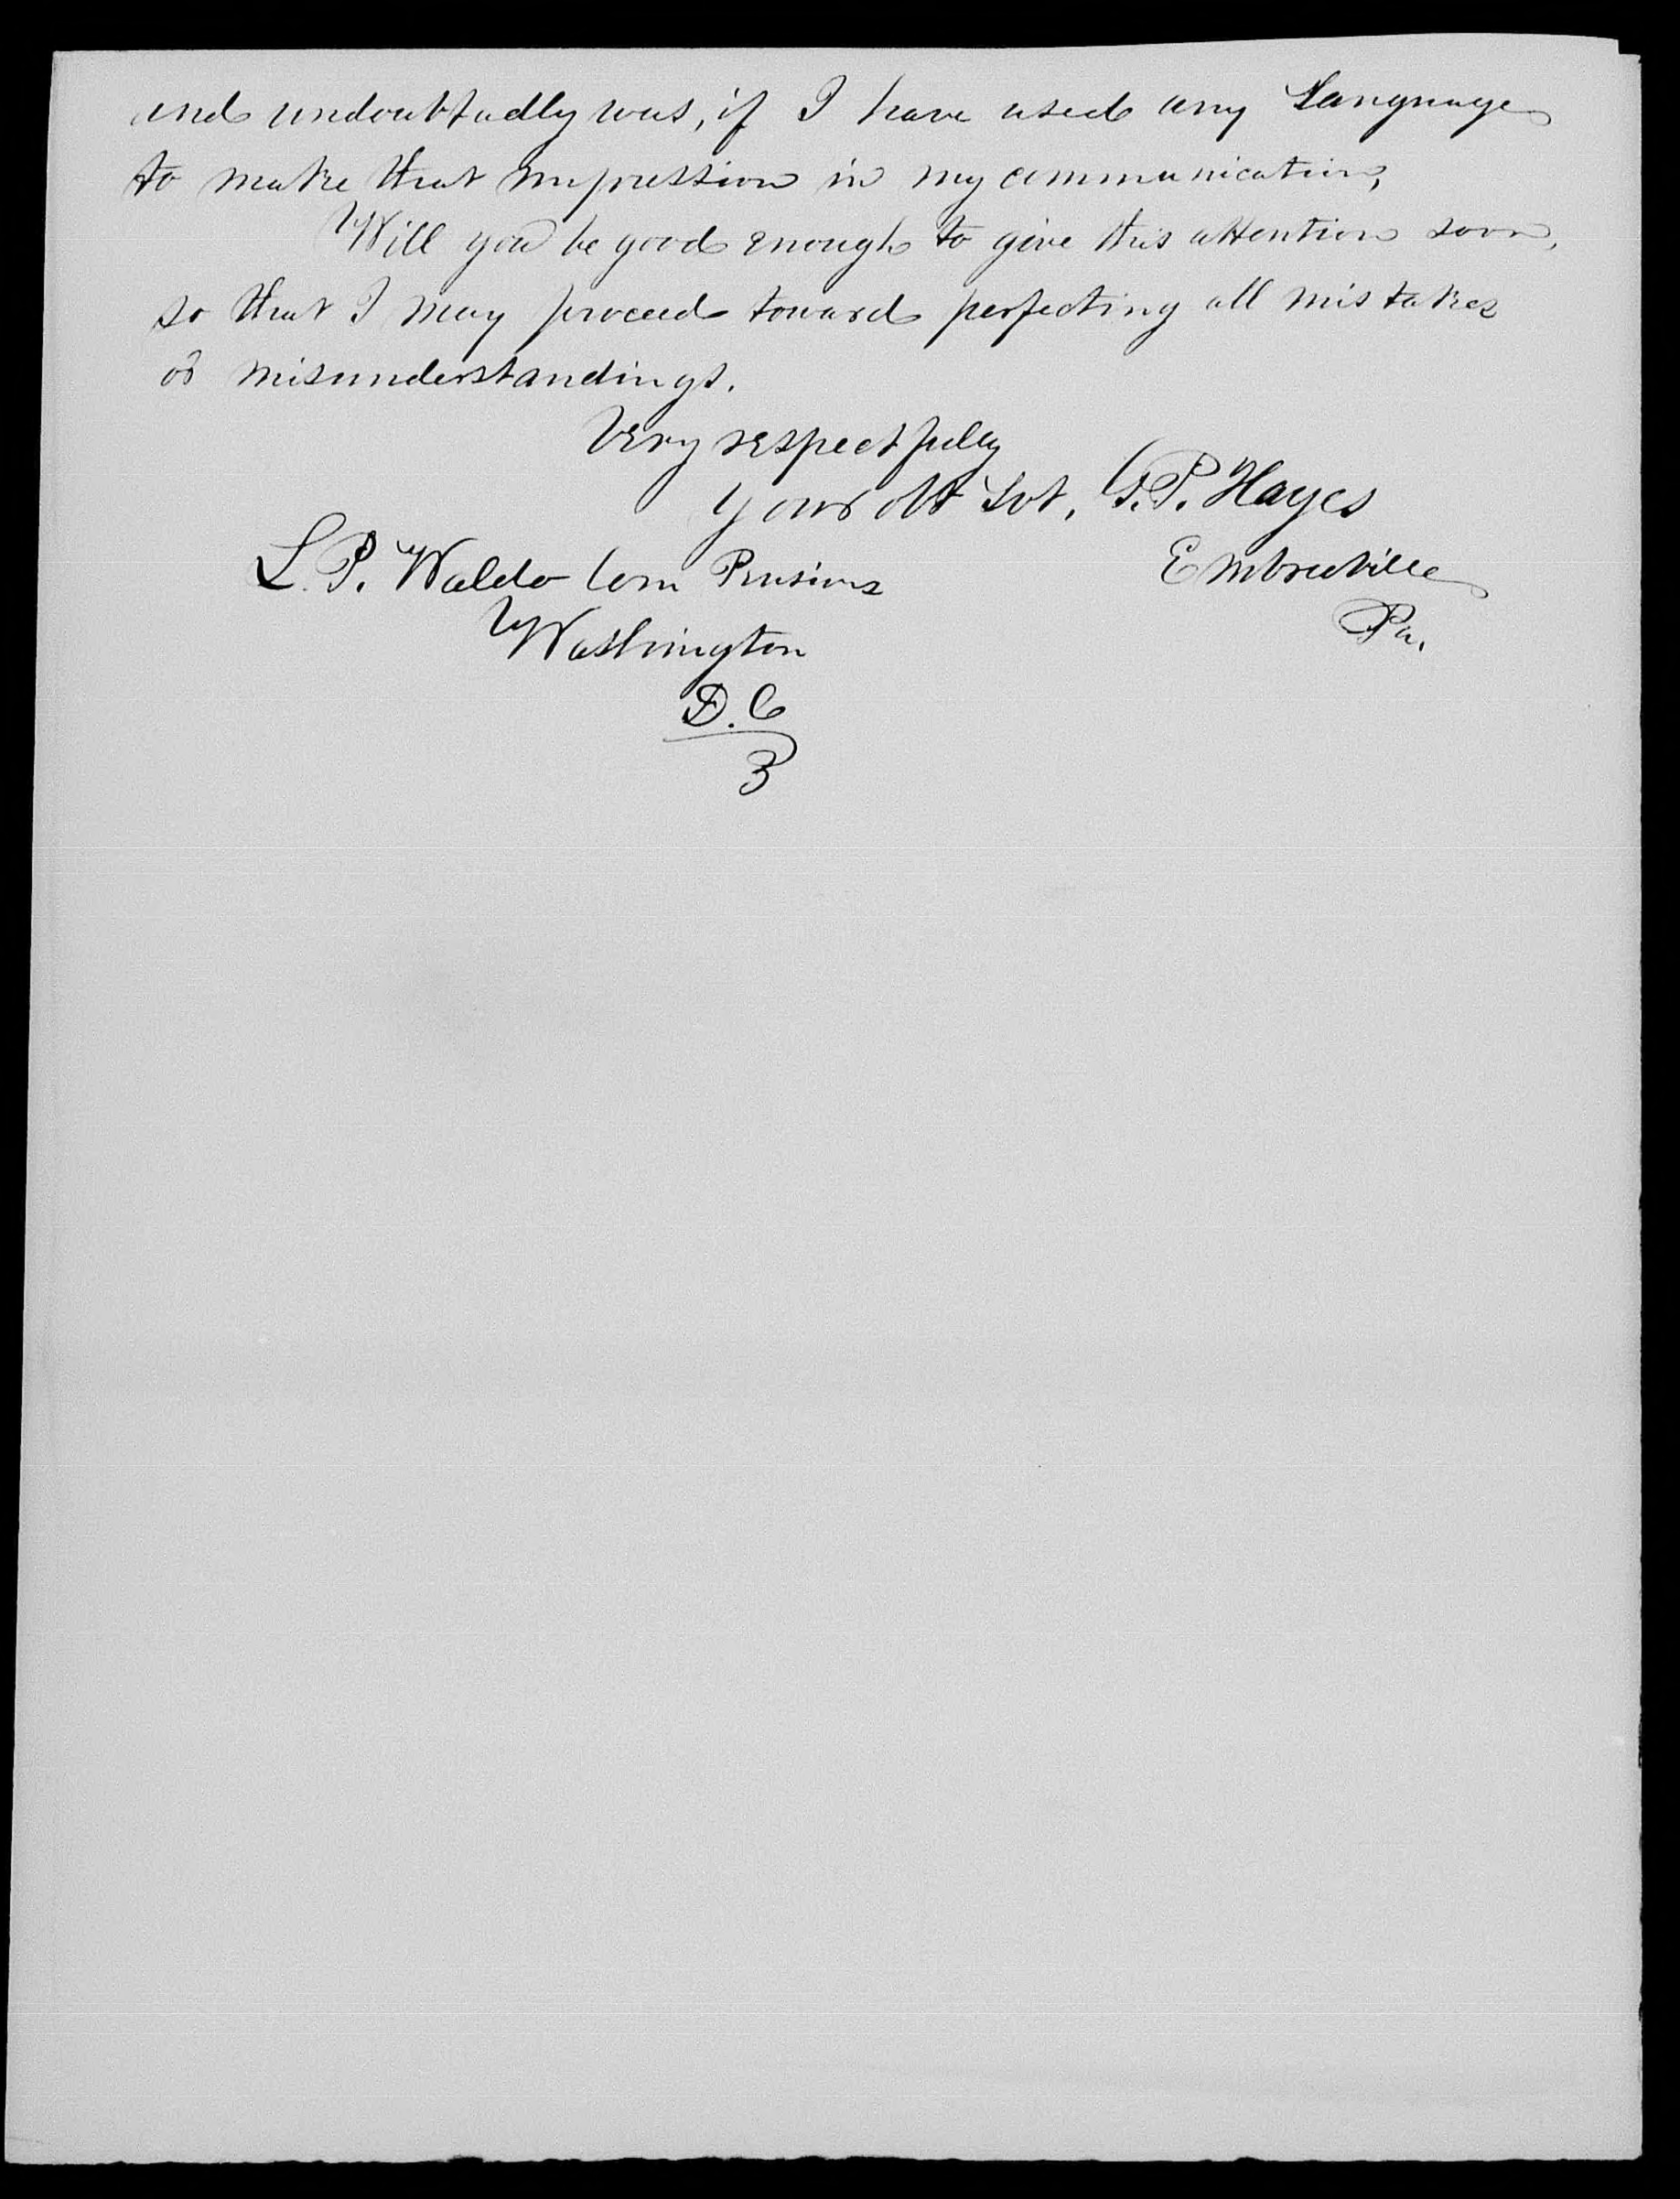and undoubtedly was, if I have used any language
to make that impression in my communication,

Will you be good enough to give this attention soon,
so that I may proceed toward perfecting all mistakes or misunderstandings
Very respectfully
your Obj Svt, 

.P. Hayes
Washington
Embreeville PA

L. P. Waldo Com Pensions
Washington D. C
3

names: L P Waldo, G P Hayes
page: 46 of 74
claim: widow's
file: W. 9422, James Edgar, Penn.